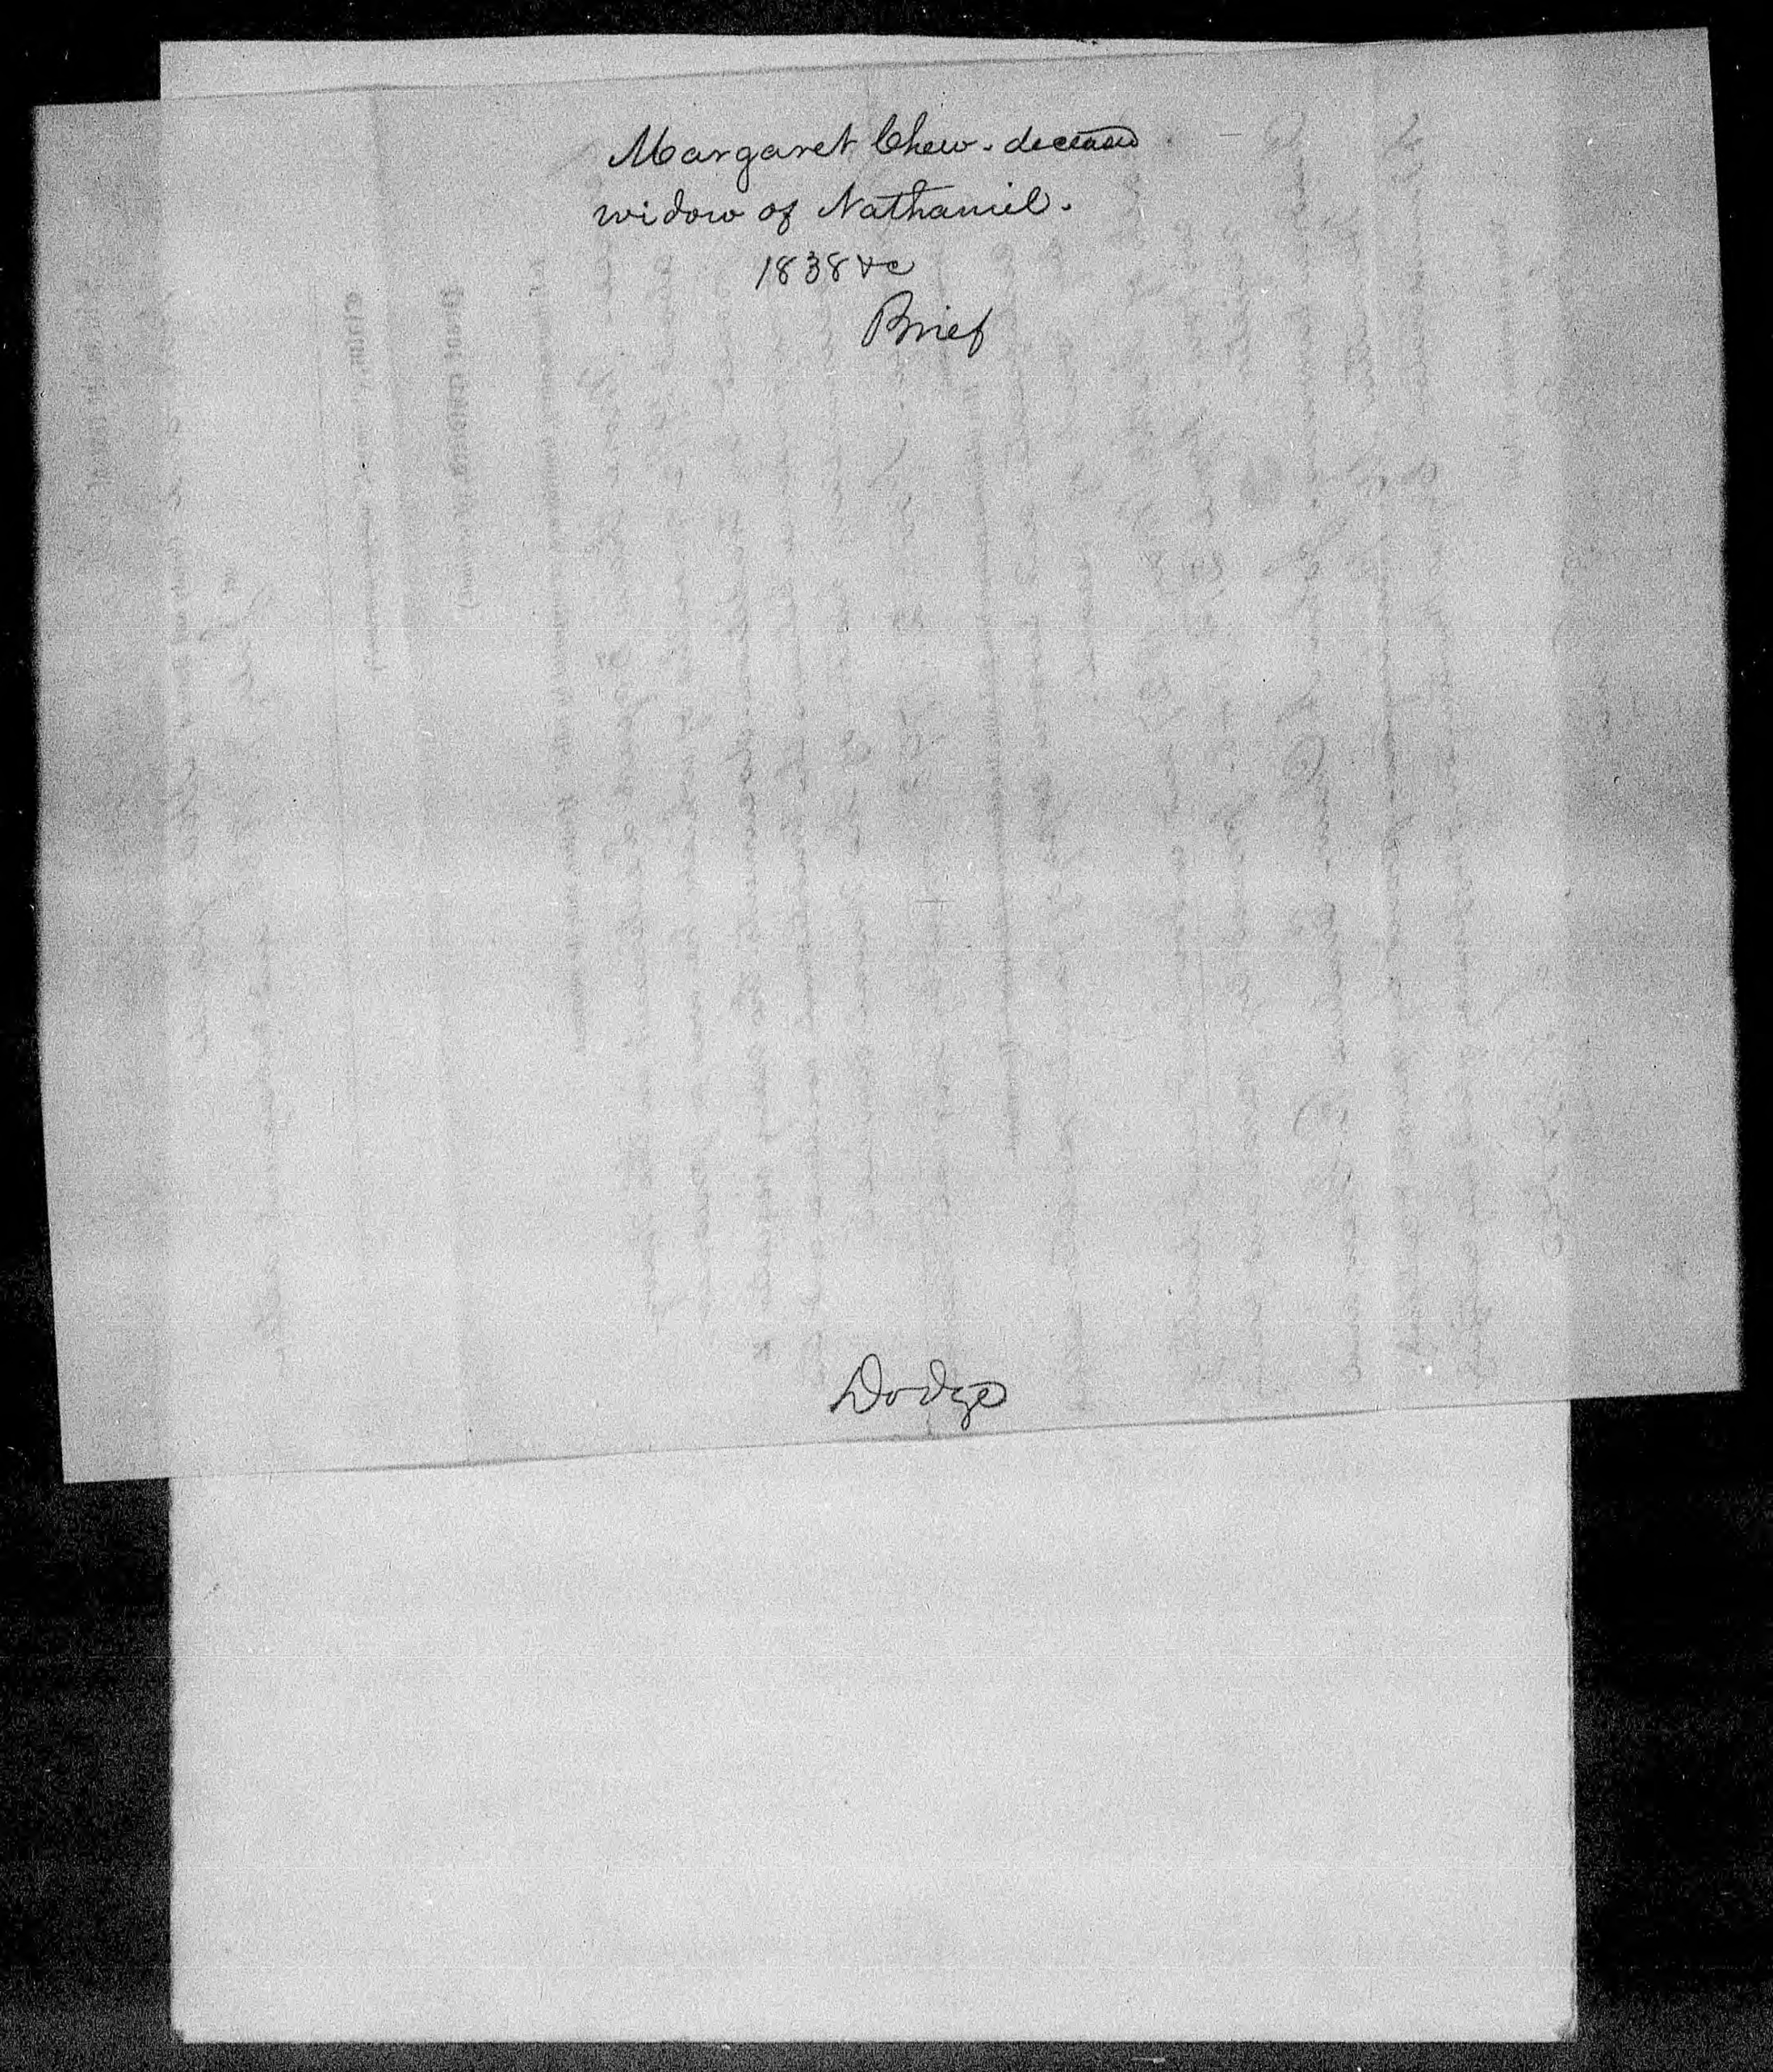Margaret Chew - deceased widow of Nathaniel.
1838 &c
Brief

Dodge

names: Nathaniel Chew, Margaret Chew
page: 43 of 59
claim: widow's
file: W. 9383, Nathaniel Chew, Navy (Md.)